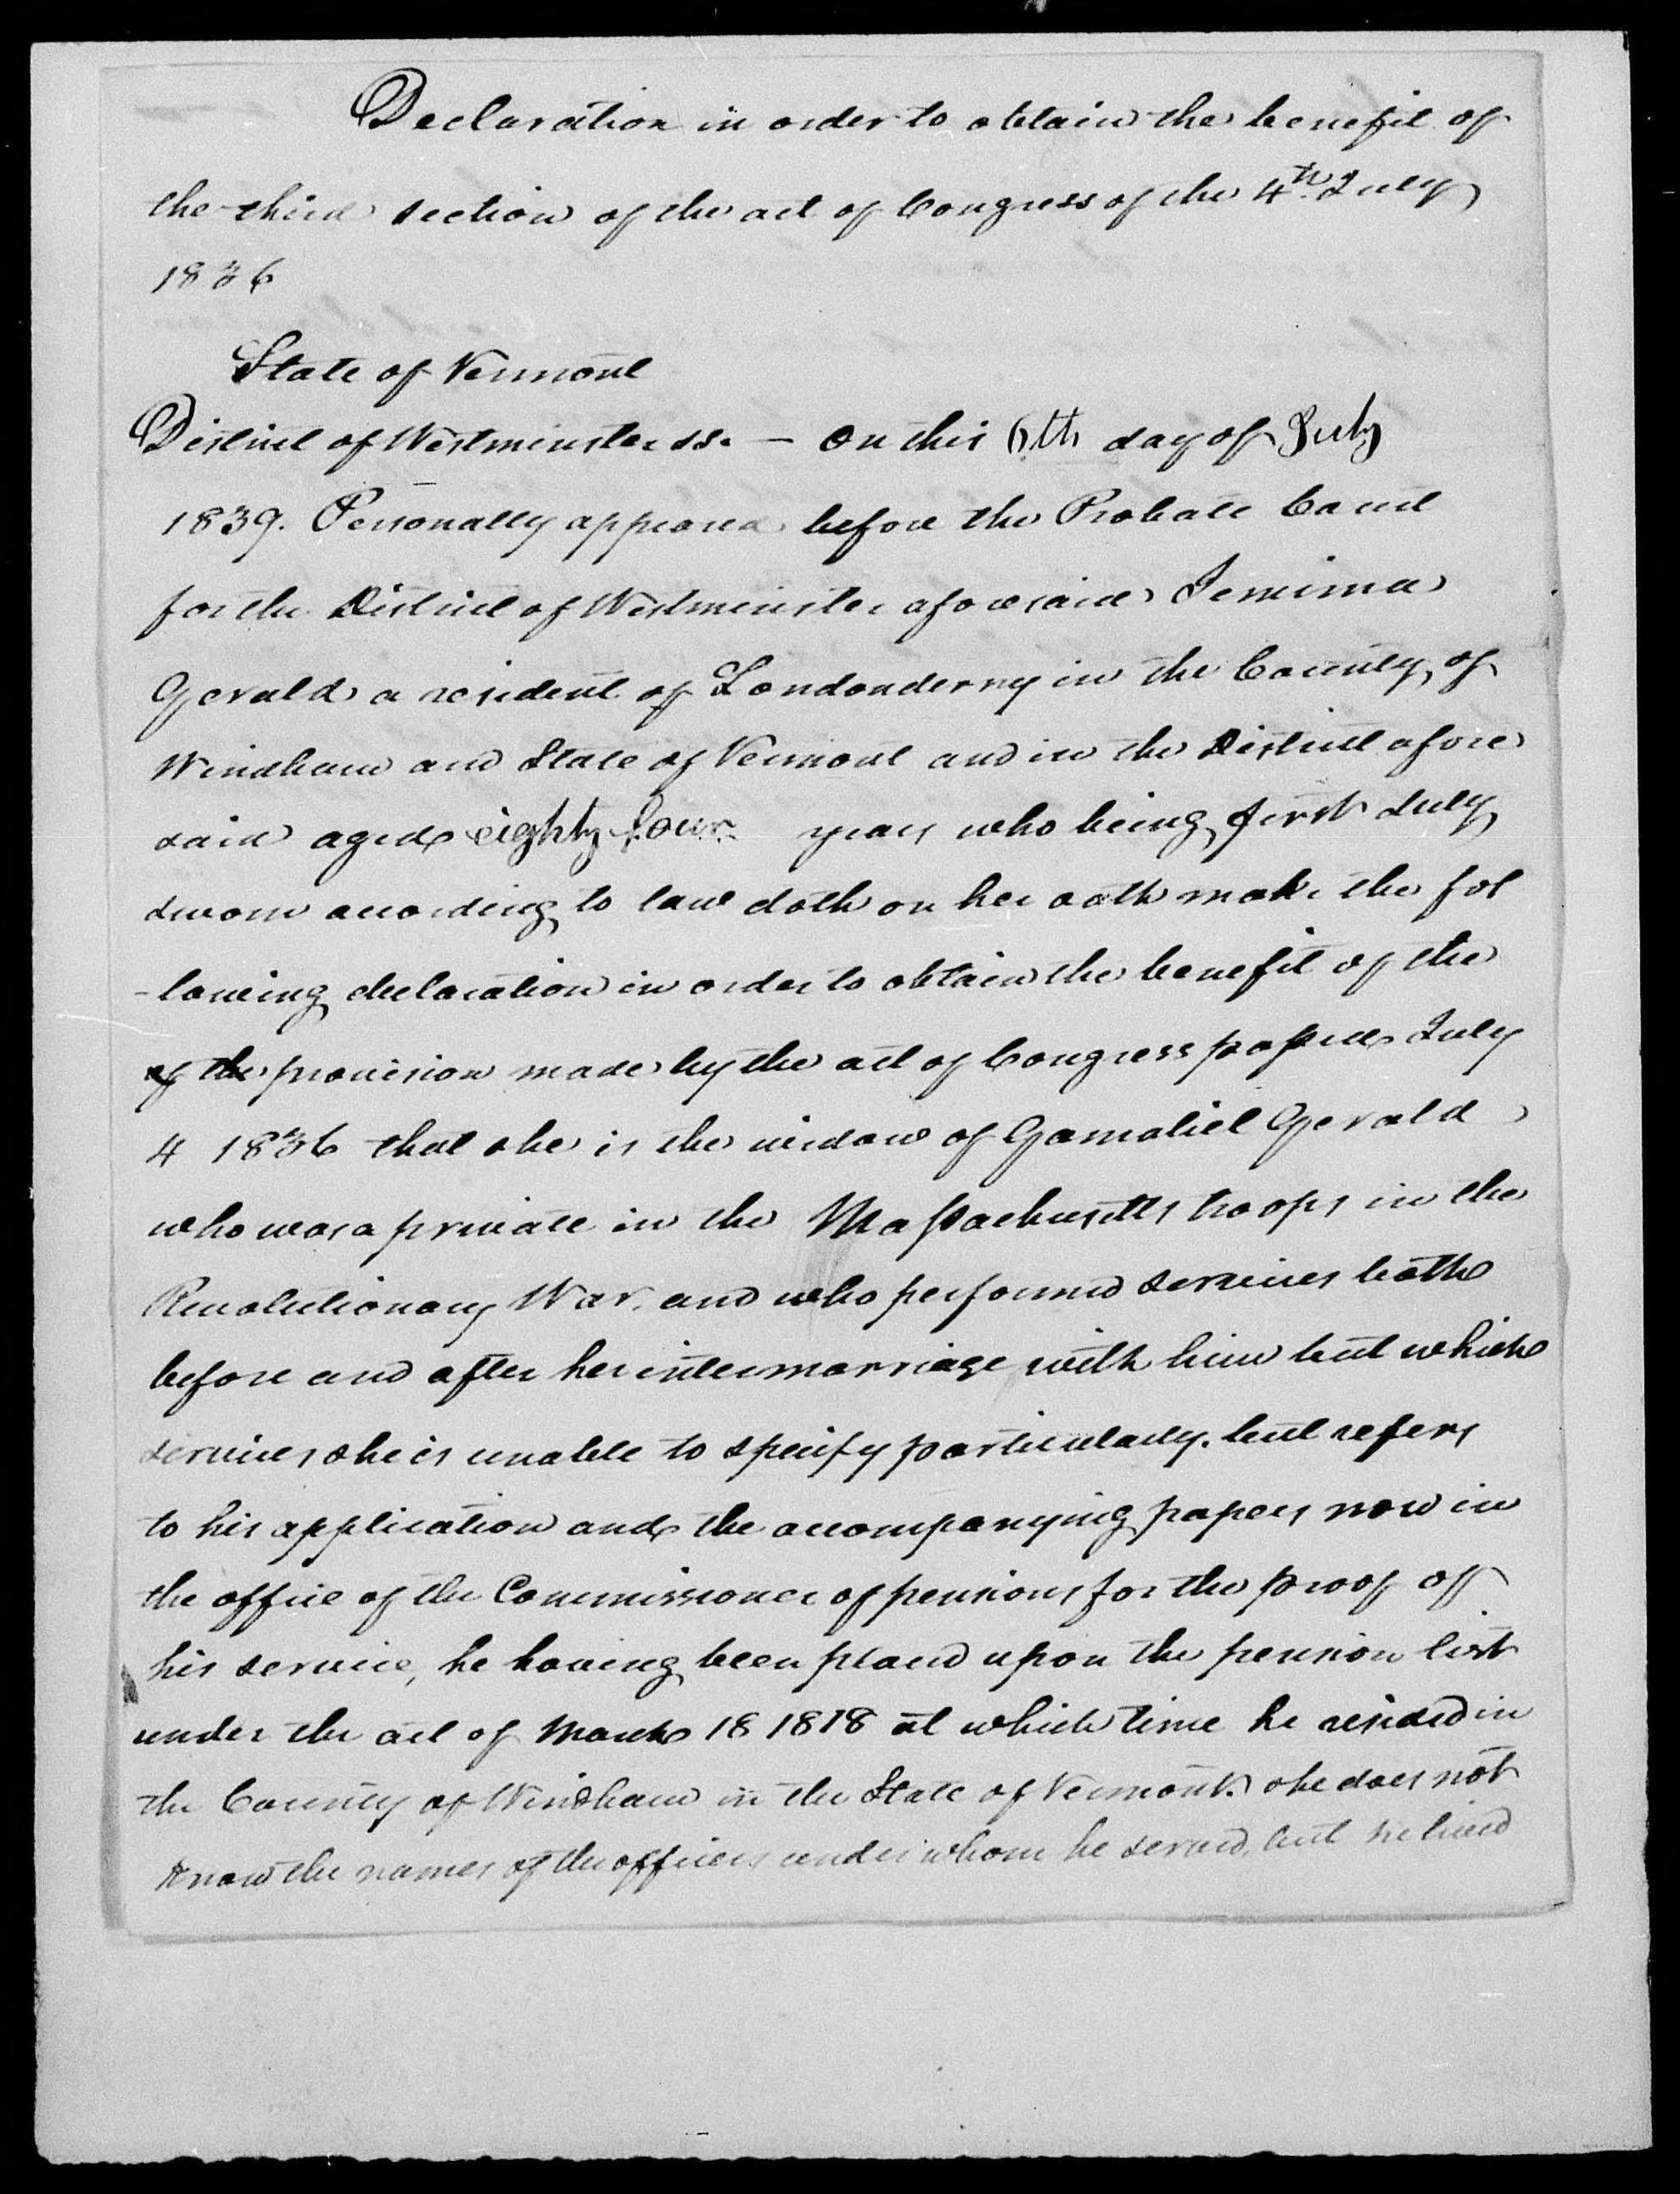Declaration in order to obtain the benefit of
the third Section of the act of Congress of the 4th July, 1836 
State of Vermont 
District of Westminster SS. On this 6th day of July
-1839. Personally appeared before the Probate Court for the District of Westminster aforesaid Jemima Gerald a resident of Londonderry in the County of Windham and State of Vermont and in the District aforesaid aged eighty four years who being first duly sworn according to law doth on her oath make the following declaration in order to obtain the benefit of the provision made by the act of Congress passed July 4 1836 that she is the widow of Gamaliel Gerald who was a private in the Massachusetts troops in the Revolutionary War, and who performed services both
before and after her intermarriage with him but which services she is unable to specify particularly but refers to his application and the accompanying papers now in the office of the Commissioner of pensions for the proof of
his service, he having been placed upon the pension list under the act of March 18 1818 at which time he resided in the County of Windham in the State of Vermont. she does not know the names of the officers under whom he served, but he lived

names: Jemima Gerald, Gamaliel Gerald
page: 2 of 26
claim: widow's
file: W. 25619, Gamaliel Gerald, Mass.